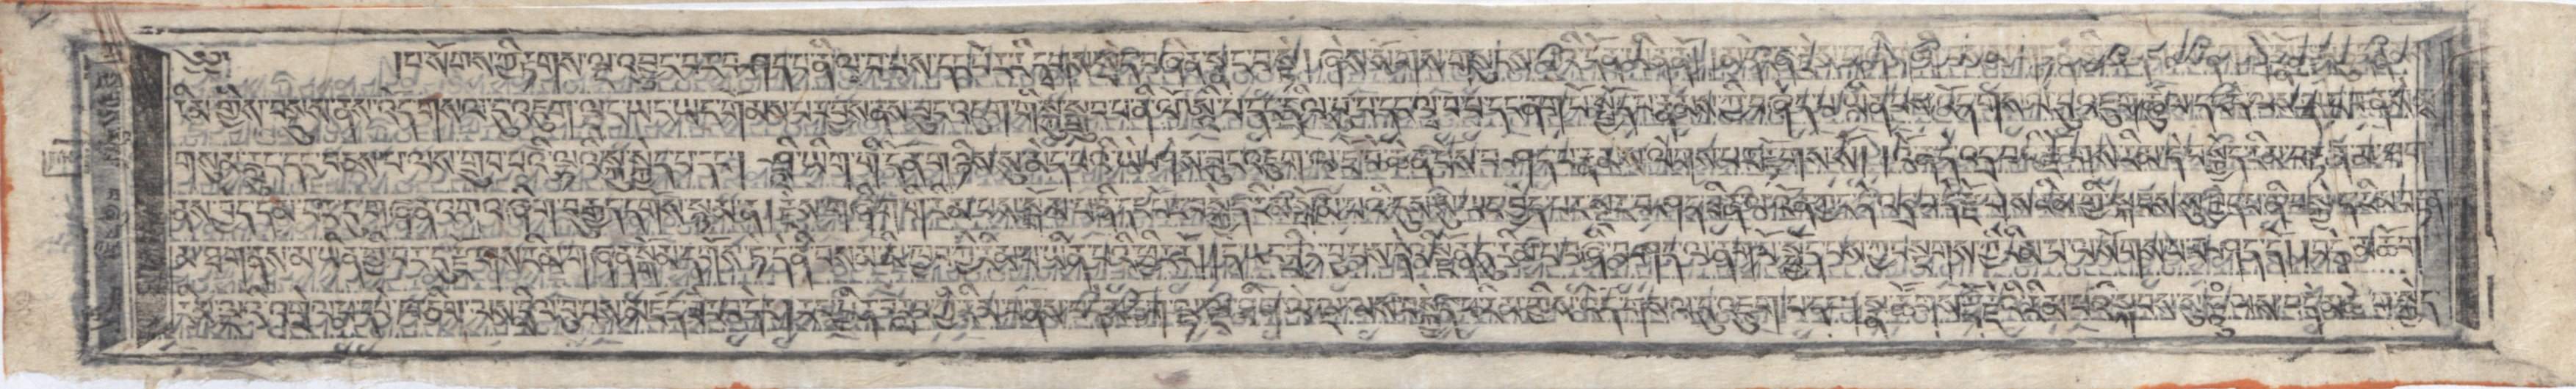༄༅། །པ་སོགས་ཀྱི་རྟགས་ལྔ་འབྱུང་བར་བཤད་པ་ནི་ལྭ་བ་པས་དང་པོར་རི་དྭགས་སྲེད་བཞིན་སྣང་བ་སྟེ། ཞེས་སོགས་གསུངས་པའི་དོན་ཡིན་ནོ། །མདོར་ན་རྗེས་གཞིག་གི་བསམ་གཏན་གྱིས་དག་མ་དག་གི་སྣོད་བཅུད་རྣམས་
རིམ་གྱིས་བསྡུས་ནས་འོད་གསལ་དུ་འཇུག་ལྡང་ཡང་ཡང་གོམས་པར་བྱས་ནས་ཟུང་འཇུག་གི་སྐུ་སྒྲུབ་པ་ནི་ལོ་ཨཱི་པ་དང་དྲིལ་བུ་པ་དང་ལྭ་བ་པ་དང་ནག་པོ་སྤྱོད་པ་རྣམས་ཀྱི་བཞེད་པ་ཡིན་པས་འོད་གསལ་དུ་འཇུག་ཚུལ་དང་དེ་ལས་ལྡང་བ་ན་སེམས་
གསུམ་རླུང་དང་བཅས་པ་ལས་གྲུབ་པའི་ལྷའི་སྐུ་སྐྱེད་པ་དང་། ཤྲཱི་ཡིག་གི་དོན་གཉིས་སུ་མེད་པའི་ཡེ་ཤེས་ཟུང་འཇུག་ལ་ཇོ་བོ་ཆེན་པོས་བཤད་པ་རྣམས་ལེགས་པར་རྟོགས་སོ། །འོ་ན་དེ་འདྲ་བའི་རྫོགས་རིམ་དེ་བསྐྱེད་རིམ་བརྟན་མ་ཐག་
ནས་བྱེད་དམ་བར་དུ་གཞན་འགའ་ཞིག་བརྒྱུད་དགོས་སྙམ་ན། རྗེས་གཞིག་གི་རིམ་པས་སྒོམ་པ་ནི་དང་པོར་བསྐྱེད་རིམ་སྒོམ་པའི་དུས་སུ་ཡང་བྱེད་པར་སྔར་བཤད་ཟིན་ལ་འོན་ཀྱང་དེ་འདྲ་བ་དེ་རྫོགས་རིམ་གྱི་སྐབས་སུ་བྱེད་པ་ནི་བསྐྱེད་རིམ་བརྟན་མ་ཐག་ནས་མ་ཡིན་གྱི་བར་དུ་རྫོགས་རིམ་གཞན་སྒོམ་དགོས་ཏེ་དེ་ནི་བསམ་མི་ཁྱབ་ཀྱི་རིམ་པ་ཡིན་པའི་ཕྱིར་རོ། །དེ་ཡང་དྲིལ་བུ་པས་དེའི་སྔོན་དུ་རིམ་པ་བཞི་བཤད་ལ་ནག་པོ་སྤྱོད་པས་ཀྱང་སྔགས་ཀྱི་རིམ་པ་ལ་སོགས་པ་བཤད་དོ། །བདེ་མཆོག་
རིམ་ལྔའི་འགྲེལ་པ་དཔེ་ཁ་ཅིག་ལས་དྲིལ་བུ་པས་མཛད་ཟེར་བ་དེར། རང་བྱིན་བརླབ་ཀྱི་རིམ་པ་ནས་བདེ་མཆོག་ལྷ་ལྔ་ཐིག་ལེ་ལྔ་ལས་བསྐྱེད་པ་རིམ་གྱིས་འོད་གསལ་དུ་འཇུག་པ་དང་། སྣ་ཚོགས་རྡོ་རྗེའི་རིམ་པའི་སྐབས་སུ་ཧཱུཾ་ལས་བདེ་མཆོག་སྐྱེད་